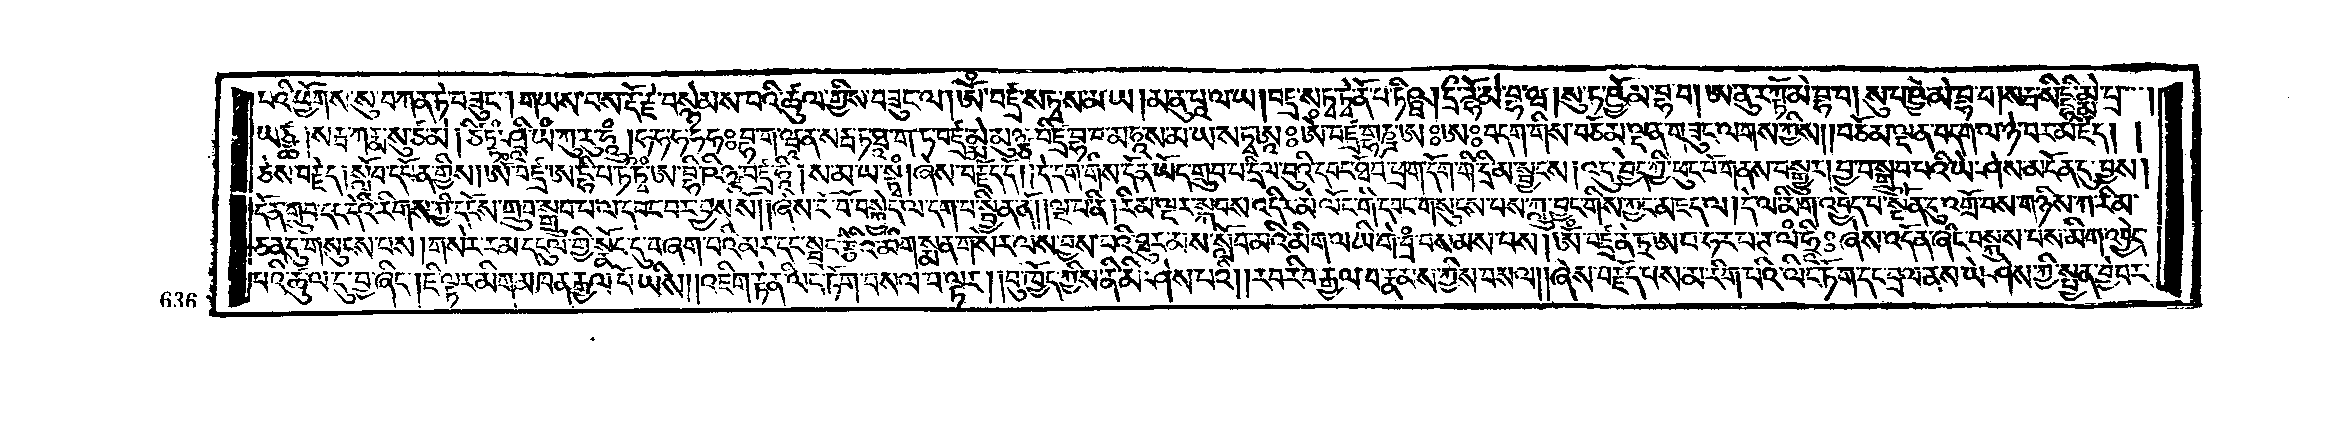པའི་ཕྱོགས་སུ་བཀན་ཏེ་བཟུང་། གཡས་པས་རྡོ་རྗེ་བསྙེམས་པའི་ཚུལ་གྱིས་བཟུང་ལ། ཨོཾ་བཛྲ་སཏྭ་ས་མ་ཡ། མ་ནུ་པཱ་ལ་ཡ། བཛྲ་སཏྭ་ཏྭེ་ནོ་པ་ཏིཥཊཿཨ། དྲྀ་ཌྷོ་མེ་བྷ་ཝ། སུ་ཏ་ཥྱོ་མ་བྷ་བ། ཨ་ནུ་རཀྟོ་མེ་བྷ་བ། སུ་པ་ཥྱོ་མེ་བྷ་བ། སརྦ་སིདྡྷི་མྨེ་པྲ་
ཡ་ཙྪ། སརྦ་ཀརྨ་སུ་ཙ་མེ། ཙིཏྟཾ་ཥྲཱི་ཡཾ་ཀུན་རུ་ཧཱུཾ། །ཧ་ཧ་ཧ་ཧ་ཧཿ བྷ་ག་ཝཱ་ན་སརྦ་ཏ་ཐཱ་ག་ཏ་བཛྲ་མྨེ་མུཉྩ་བཛྲི་བྷ་བ་མཧཱ་ས་མ་ཡ་སཏྭ་ཨཱཿ ཨོཾ་བཛྲ་གྷཎྜ་ཨཿ ཨཿ བདག་གིས་བཅོམ་ལྡན་གཟུང་ལགས་ཀྱིས། །བཅོམ་ལྡན་བདག་ལ་ཉེ་བར་མཛོད། །
ཅེས་བརྗེད། སློབ་དཔོན་གྱིས། ཨོཾ་བཛྲ་ཨ་དྷི་པ་ཏི་ཏྭཾ་ཨ་བྷི་ཥིཉྩ་བཛྲ་ཧཱི། ས་མ་ཡ་སྟྭཾ། ཞེས་བརྗོད་དོ། །དེ་དག་གིས་དོན་ཡོད་གྲུབ་པ་དྲིལ་བུའི་དབང་ཐོབ་ཕྲག་དོག་གི་དྲི་མ་སྦྱངས། འདུ་བྱེད་ཀྱི་ཕུང་པོ་གནས་བསྒྱུར། བྱ་བ་སྒྲུབ་པའི་ཡེ་ཤེས་མངོན་དུ་བྱས།
དོན་གྲུབ་དང་དེའི་རིགས་ཀྱི་དངོས་གྲུབ་སྒྲུབ་པ་ལ་དབང་བར་བྱས་སོ། །ཞེས་གོ་བ་བསྐྱེད་ལ་དག་པ་སྦྱིན་ནོ། །ལྔ་པ་ནི། རིམ་ལྔར་སྐབས་འདིར་མེ་ལོང་གི་དབང་གསུངས་པས་ཀླུ་བྱང་གིས་ཀྱང་མཛད་ལ། དེ་ལ་མིག་འབྱེད་པ་སྔོན་དུ་འགྲོ་བས་གཉིས་ཀ་རིམ་
ཅན་དུ་གསུངས་པས། གསེར་རམ་དངུལ་གྱི་སྣོད་དུ་བཞག་པའི་མར་དང་སྦྲང་རྩིའི་མིག་སྨན་གསེར་ལས་བྱས་པའི་ཐུར་མས་སློབ་མའི་མིག་ལ་ཡི་གེ་པྲཾ་བསམས་པས། ཨོཾ་བཛྲ་ནེ་ཏྲ་ཨ་བ་ཧར་པ་ཊ་ལཾ་ཧྲཱིཿ ཞེས་འདོན་ཞིང་བསྐུས་པས་མིག་འབྱེད་
པའི་ཚུལ་དུ་བྱ་ཞིང་། ཇི་ལྟར་མིག་མཁན་རྒྱལ་པོ་ཡིས། །འཇིག་རྟེན་ལིང་ཏོག་བསལ་བ་ལྟར། །བུ་ཁྱོད་ཀྱིས་ནི་མི་ཤེས་པའི། །རབ་རིབ་རྒྱལ་བ་རྣམས་ཀྱིས་བསལ། །ཞེས་བརྗོད་པས་མ་རིག་པའི་ལིང་ཏོག་དང་བྲལ་ནས་ཡེ་ཤེས་ཀྱི་སྤྱན་བྱེ་བར་